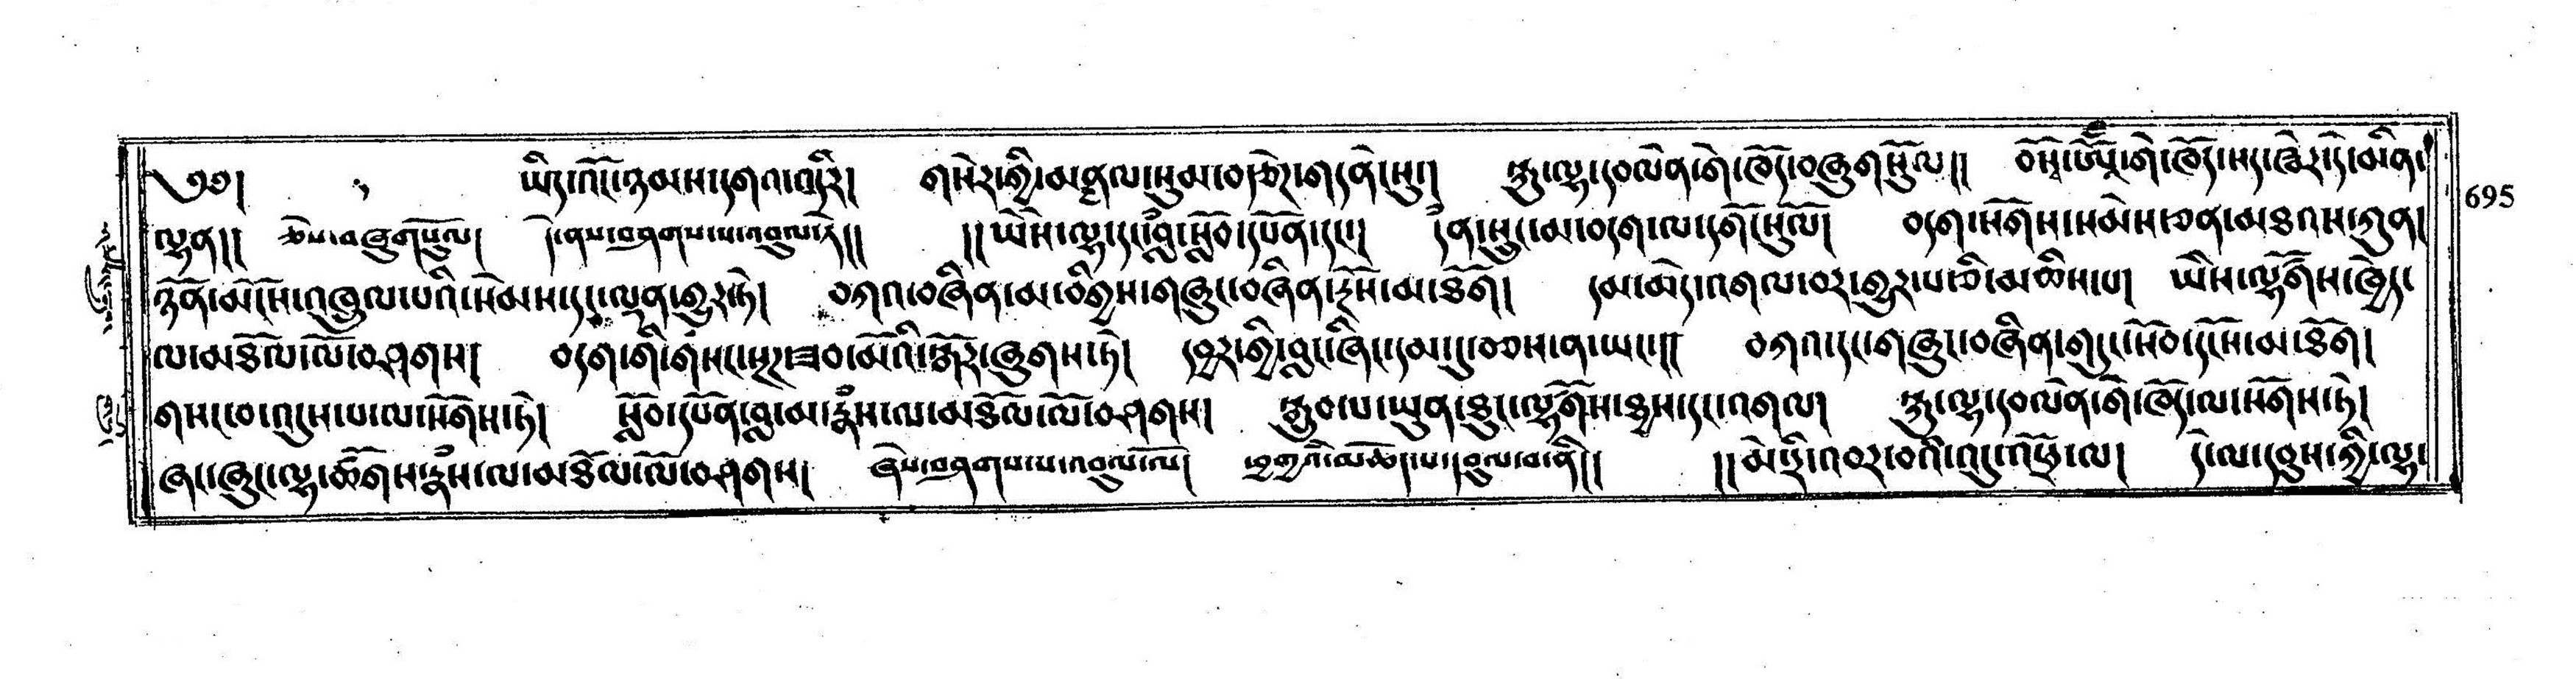ཡིད་འོང་ཉམས་དགའ་འདིར། གསེར་གྱི་མནྜལ་སུམ་བརྩེགས་གདན་སྟེངས་སུ། སྐུ་ལྷ་དབལ་ཆེན་གེ་ཁོད་བཞུགས་སུ་གསོལ།། བསྭོ་ཨཱོཾ་གེ་ཁོད་སད་ཝེར་དེ་མིན་
ལྷན།། ཅེས་བཞུགས་སུ་གསོལ། དེ་ནས་བཤགས་པ་འབུལ་ཏེ།། །།ཡེ་ཤེས་ལྷ་དང་བླ་མ་སློབ་དཔོན་དང་། དམ་ཅན་སྲུང་མ་བདག་ལ་དགོངས་སུ་གསོལ། བདག་སོགས་སེམས་ཅན་མཐའ་ཡས་ཀུན། 
ཉོན་མོངས་འཁྲུལ་པའི་སེམས་དང་ལྡན་གྱུར་ཏེ། བཀའ་བཞིན་མ་བགྱིས་གཞུང་བཞིན་རྔོས་མ་ཐོག དམ་མེད་འགལ་བར་གྱུར་པ་ཅི་མཆིས་པ། ཡེ་ཤེས་ལྷ་ཚོགས་ཁྱེད་
ལ་མཐོལ་ལོ་བཤགས། བདག་གི་གསང་སྔགས་ཟབ་མོའི་སྒོར་ཞུགས་ཏེ། དབྱར་གྱི་བླང་ཞིང་དམ་དུ་བཅས་ན་ཡང་།། བཀའ་དང་གཞུང་བཞིན་གདུང་སོབ་དངོས་མ་ཐོག 
གསང་བ་འདུས་པ་ལ་སོགས་ཏེ། སློབ་དཔོན་བླ་མ་རྣམས་ལ་མཐོལ་ལོ་བཤགས། སྒྲུབ་པ་ཡུན་ཐུང་ལྷ་ཚོགས་ཐུགས་དང་འགལ། སྐུ་ལྷ་དབལ་ཆེན་གེ་ཁོད་ལ་སོགས་ཏེ། 
ཞང་ཞུང་ལྷ་ཚོགས་རྣམས་ལ་མཐོལ་ལོ་བཤགས། ཞེས་བཤགས་པ་འབུལ་ལོ། ཕྱག་རྒྱའི་མཆོད་པ་དབུལ་བ་ནི།། །།མེ་རི་འབར་བའི་འདུ་འཕྲོ་ལ། དེ་ལ་དབུས་ཀྱི་ལྷ་